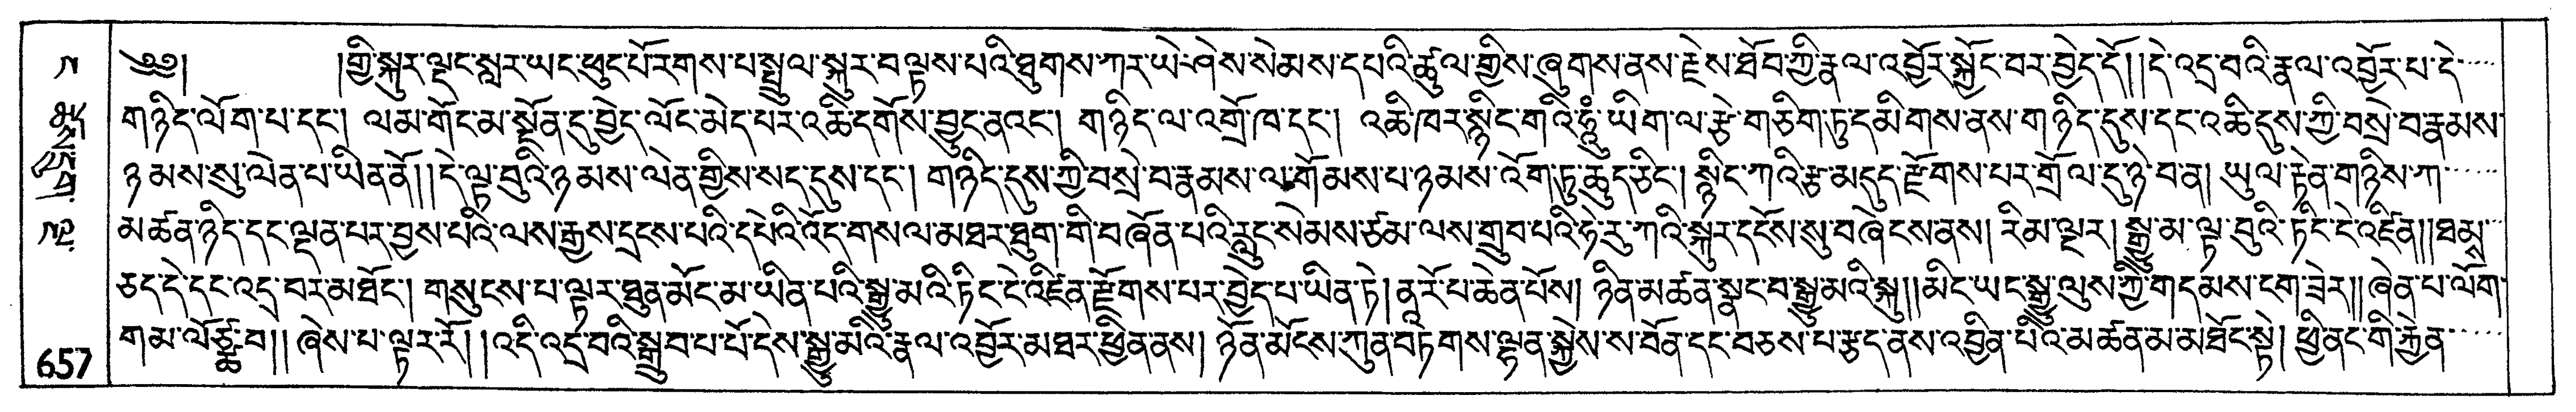༄༅། །གྱི་སྐུར་ལྡང་སླར་ཡང་ཕུང་པོ་རགས་པ་སྤྲུལ་སྐུར་བལྟས་པའི་ཐུགས་ཀར་ཡེ་ཤེས་སེམས་དཔའི་ཚུལ་གྱིས་ཞུགས་ནས་རྗེས་ཐོབ་ཀྱི་རྣལ་འབྱོར་སྐྱོང་བར་བྱེད་དོ། །དེ་འདྲ་བའི་རྣལ་འབྱོར་པ་དེ་
གཉིད་ལོག་པ་དང་། ལམ་གོང་མ་སྔོན་དུ་བྱེད་ལོང་མེད་པར་འཆི་དགོས་བྱུང་ནའང་། གཉིད་ལ་འགྲོ་ཁ་དང་། འཆི་ཁར་སྙིང་གའི་ཧཱུཾ་ཡིག་ལ་རྩེ་གཅིག་ཏུ་དམིགས་ནས་གཉིད་དུས་དང་འཆི་དུས་ཀྱི་བསྲེ་བ་རྣམས་
ཉམས་སུ་ལེན་པ་ཡིན་ནོ། །དེ་ལྟ་བུའི་ཉམས་ལེན་གྱིས་སད་དུས་དང་། གཉིད་དུས་ཀྱི་བསྲེ་བ་རྣམས་ལ་གོམས་པ་ཉམས་འོག་ཏུ་ཆུད་ཅིང་། སྙིང་ཀའི་རྩ་མདུད་རྫོགས་པར་གྲོལ་དུ་ཉེ་བ་ན། ཡུལ་རྟེན་གཉིས་ཀ་
མཚན་ཉིད་དང་ལྡན་པར་བྱས་པའི་ལས་རྒྱས་དྲངས་པའི་དཔེའི་འོད་གསལ་མཐར་ཐུག་གི་བཞོན་པའི་རླུང་སེམས་ཙམ་ལས་གྲུབ་པའི་ཧེ་རུ་ཀའི་སྐུར་དངོས་སུ་བཞེངས་ནས། རིམ་ལྔར། སྒྱུ་མ་ལྟ་བུའི་ཏིང་ངེ་འཛིན། །ཐམས་
ཅད་དེ་དང་འདྲ་བར་མཐོང་། གསུངས་པ་ལྟར་ཐུན་མོང་མ་ཡིན་པའི་སྒྱུ་མའི་ཏིང་ངེ་འཛིན་རྫོགས་པར་བྱེད་པ་ཡིན་ཏེ། ནཱ་རོ་པ་ཆེན་པོས། ཉིན་མཚན་སྣང་བ་སྒྱུ་མའི་སྐུ། །མིང་ཡང་སྒྱུ་ལུས་ཀྱི་གདམས་ངག་ཟེར། །ཞེན་པ་ལོག་
གམ་ལོཙྪ་བ། །ཞེས་པ་ལྟར་རོ། །འདི་འདྲ་བའི་སྒྲུབ་པ་པོ་དེས་སྒྱུ་མའི་རྣལ་འབྱོར་མཐར་ཕྱིན་ནས། ཉོན་མོངས་ཀུན་བཏགས་ལྷན་སྐྱེས་ས་བོན་དང་བཅས་པ་རྩད་ནས་འབྱིན་པའི་མཚན་མ་མཐོང་སྟེ། ཕྱི་ནང་གི་རྐྱེན་